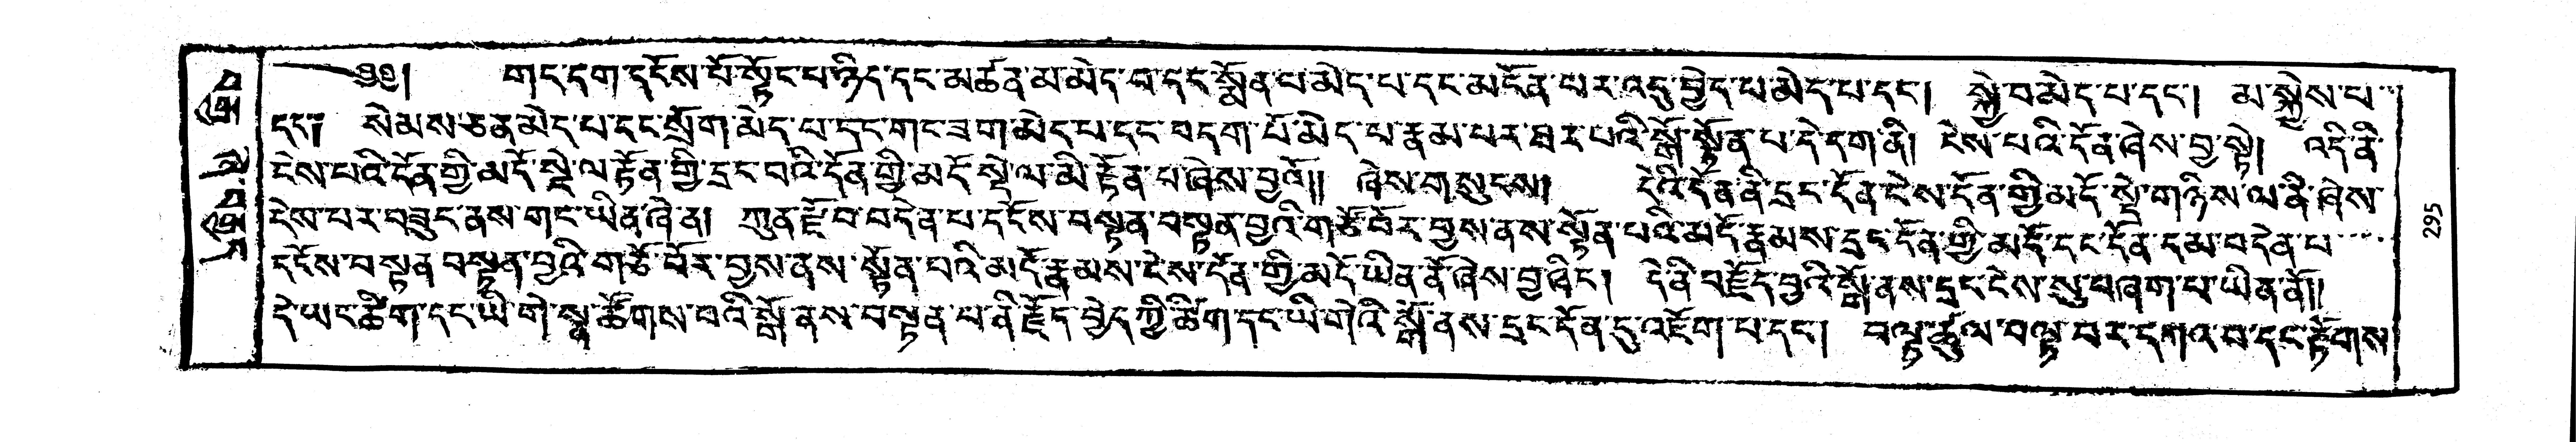༄༅། །གང་དག་དངོས་པོ་སྟོང་པ་ཉིད་དང་མཚན་མ་མེད་པ་དང་སྨོན་པ་མེད་པ་དང་མངོན་པར་འདུ་བྱེད་པ་མེད་པ་དང་། སྐྱེ་བ་མེད་པ་དང་། མ་སྐྱེས་པ་
དང་། སེམས་ཅན་མེད་པ་དང་སྲོག་མེད་པ་དང་གང་ཟག་མེད་པ་དང་བདག་པོ་མེད་པ་རྣམ་པར་ཐར་པའི་སྒོ་སྟོན་པ་དེ་དག་ནི། ངེས་པའི་དོན་ཞེས་བྱ་སྟེ། འདི་ནི་
ངེས་པའི་དོན་གྱི་མདོ་སྡེ་ལ་རྟོན་གྱི་དྲང་བའི་དོན་གྱི་མདོ་སྡེ་ལ་མི་རྟོན་པ་ཞེས་བྱའོ། །ཞེས་གསུངས། དེའི་དོན་ནི་དྲང་དོན་ངེས་དོན་གྱི་མདོ་སྡེ་གཉིས་ལ་ནི་ཞེས་
ངེས་པར་བཟུང་ནས་གང་ཡིན་ཞེ་ན། ཀུན་རྫོབ་བདེན་པ་དངོས་བསྟན་བསྟན་བྱའི་གཙོ་བོར་བྱས་ནས་སྟོན་པའི་མདོ་རྣམས་དྲང་དོན་གྱི་མདོ་དང་དོན་དམ་བདེན་པ་
དངོས་བསྟན་བསྟན་བྱའི་གཙོ་བོར་བྱས་ནས་སྟོན་པའི་མདོ་རྣམས་ངེས་དོན་གྱི་མདོ་ཡིན་ནོ་ཞེས་བྱ་ཞིང་། དེ་ནི་བརྗོད་བྱའི་སྒོ་ནས་དྲང་ངེས་སུ་བཞག་པ་ཡིན་ནོ། །
དེ་ཡང་ཚིག་དང་ཡི་གེ་སྣ་ཚོགས་པའི་སྒོ་ནས་བསྟན་པ་ནི་རྗོད་བྱེད་ཀྱི་ཚིག་དང་ཡི་གེའི་སྒོ་ནས་དྲང་དོན་དུ་འཇོག་པ་དང་། བལྟ་ཚུལ་བལྟ་བར་དཀའ་བ་དང་རྟོགས་